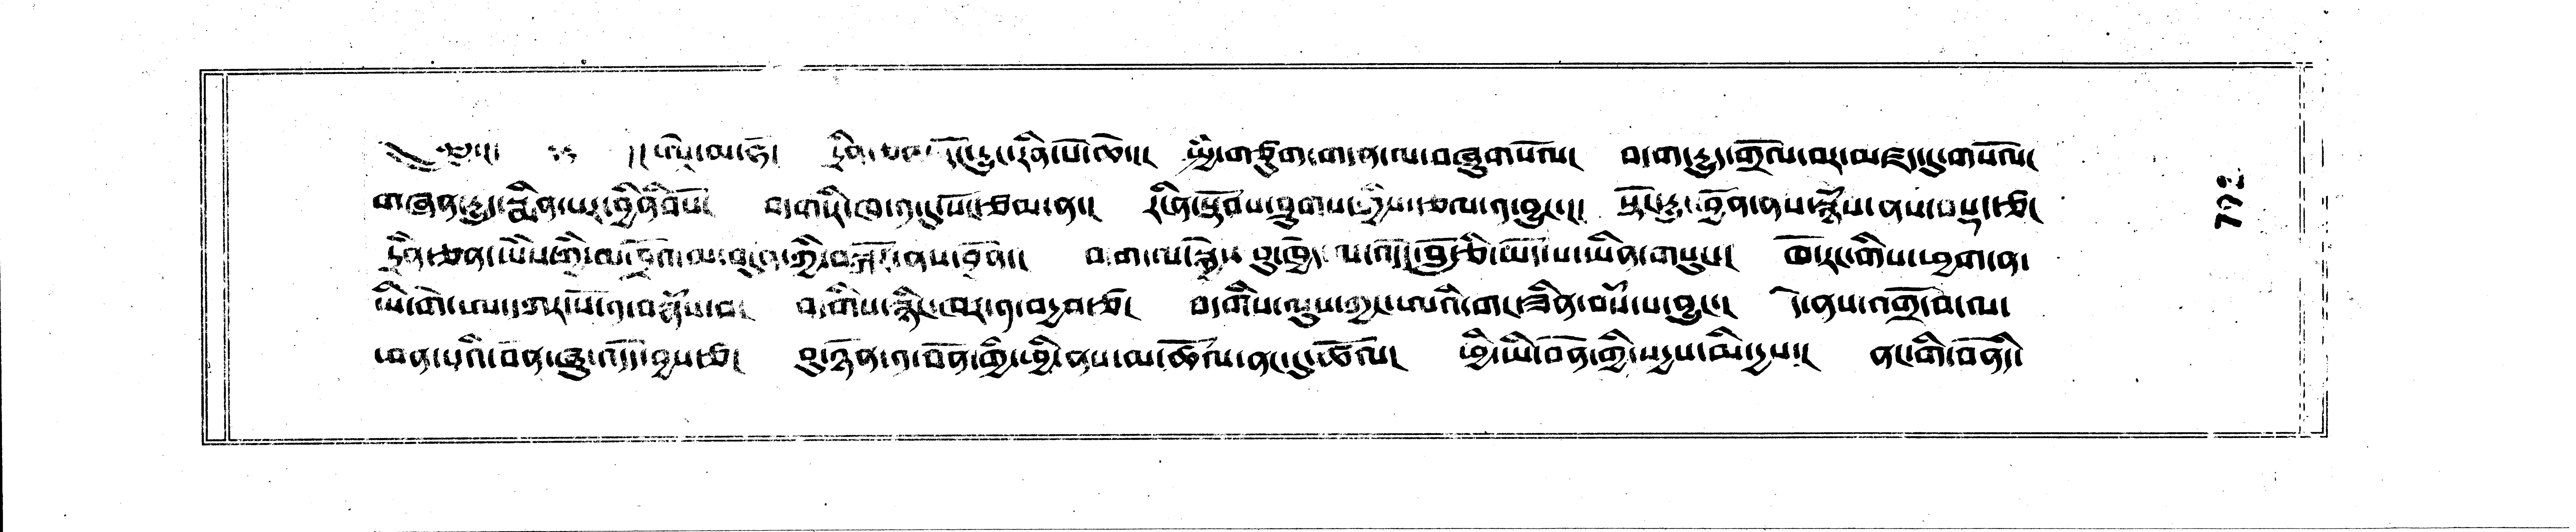ཨེ་མ་ཧོ། དྲིན་ཅན་སྟོང་རྒྱུང་རིན་པོ་ཆེ། །སྤྱི་གཙུག་གདན་ལ་བཞུགས་སུ་གསོལ། །བདག་རྒྱུད་གྲོལ་བར་མཛད་དུ་གསོལ། 
།གཞན་རྒྱུད་སྨིན་པར་བྱིན་གྱིས་རློབས། བདག་རི་ཁ་ཞིག་ཏུ་སོང་ཙམ་ན། རང་བཞིན་སྟོབས་ཤུགས་ཀྱི་རྩལ་ཞིག་བྱུང་། སྟོང་རྒྱུང་བྱོན་ན་སྙམ་ནས་བསྡད་ཙ། 
དྲིན་ཅན་ཡེ་ཤེས་ཀྱི་མཁའ་འགྲོ་མ་བདུན་གྱིས་བསྐོར་ནས་བྱོན། བདག་ལ་སྐྱེས་བུ་ཁྱེད་ལ་འདོད་བློ་ཅི་ཡོད་པ་ཡིན་གསུངས། ཁོ་རང་གི་ཕྱག་ན་
ཡི་གེ་ཨ་དཀར་པོ་ཅིག་བསྣམས་པ། བདག་གི་སྙིང་ཁར་གཅིག་བརྒྱབ་ཙ། བདག་གི་ལུས་ཀྱང་ཨ་ཡིས་གང་ཟིན་བསམ་པ་བྱུང་། དེ་ནས་འགྲོ་བ་ལ་
ཕན་པའི་བོན་ཞུ་འདོད་བྱས་ཙ། བུ་ཉོན་ཅིག་བོན་གྱི་ཕྱི་ནས་མ་ཚོལ་ནང་དུ་ཚོལ། ཕྱི་ཡི་བོན་གྱིས་སངས་མི་རྒྱས། ནང་གི་བོན་ཉིད་